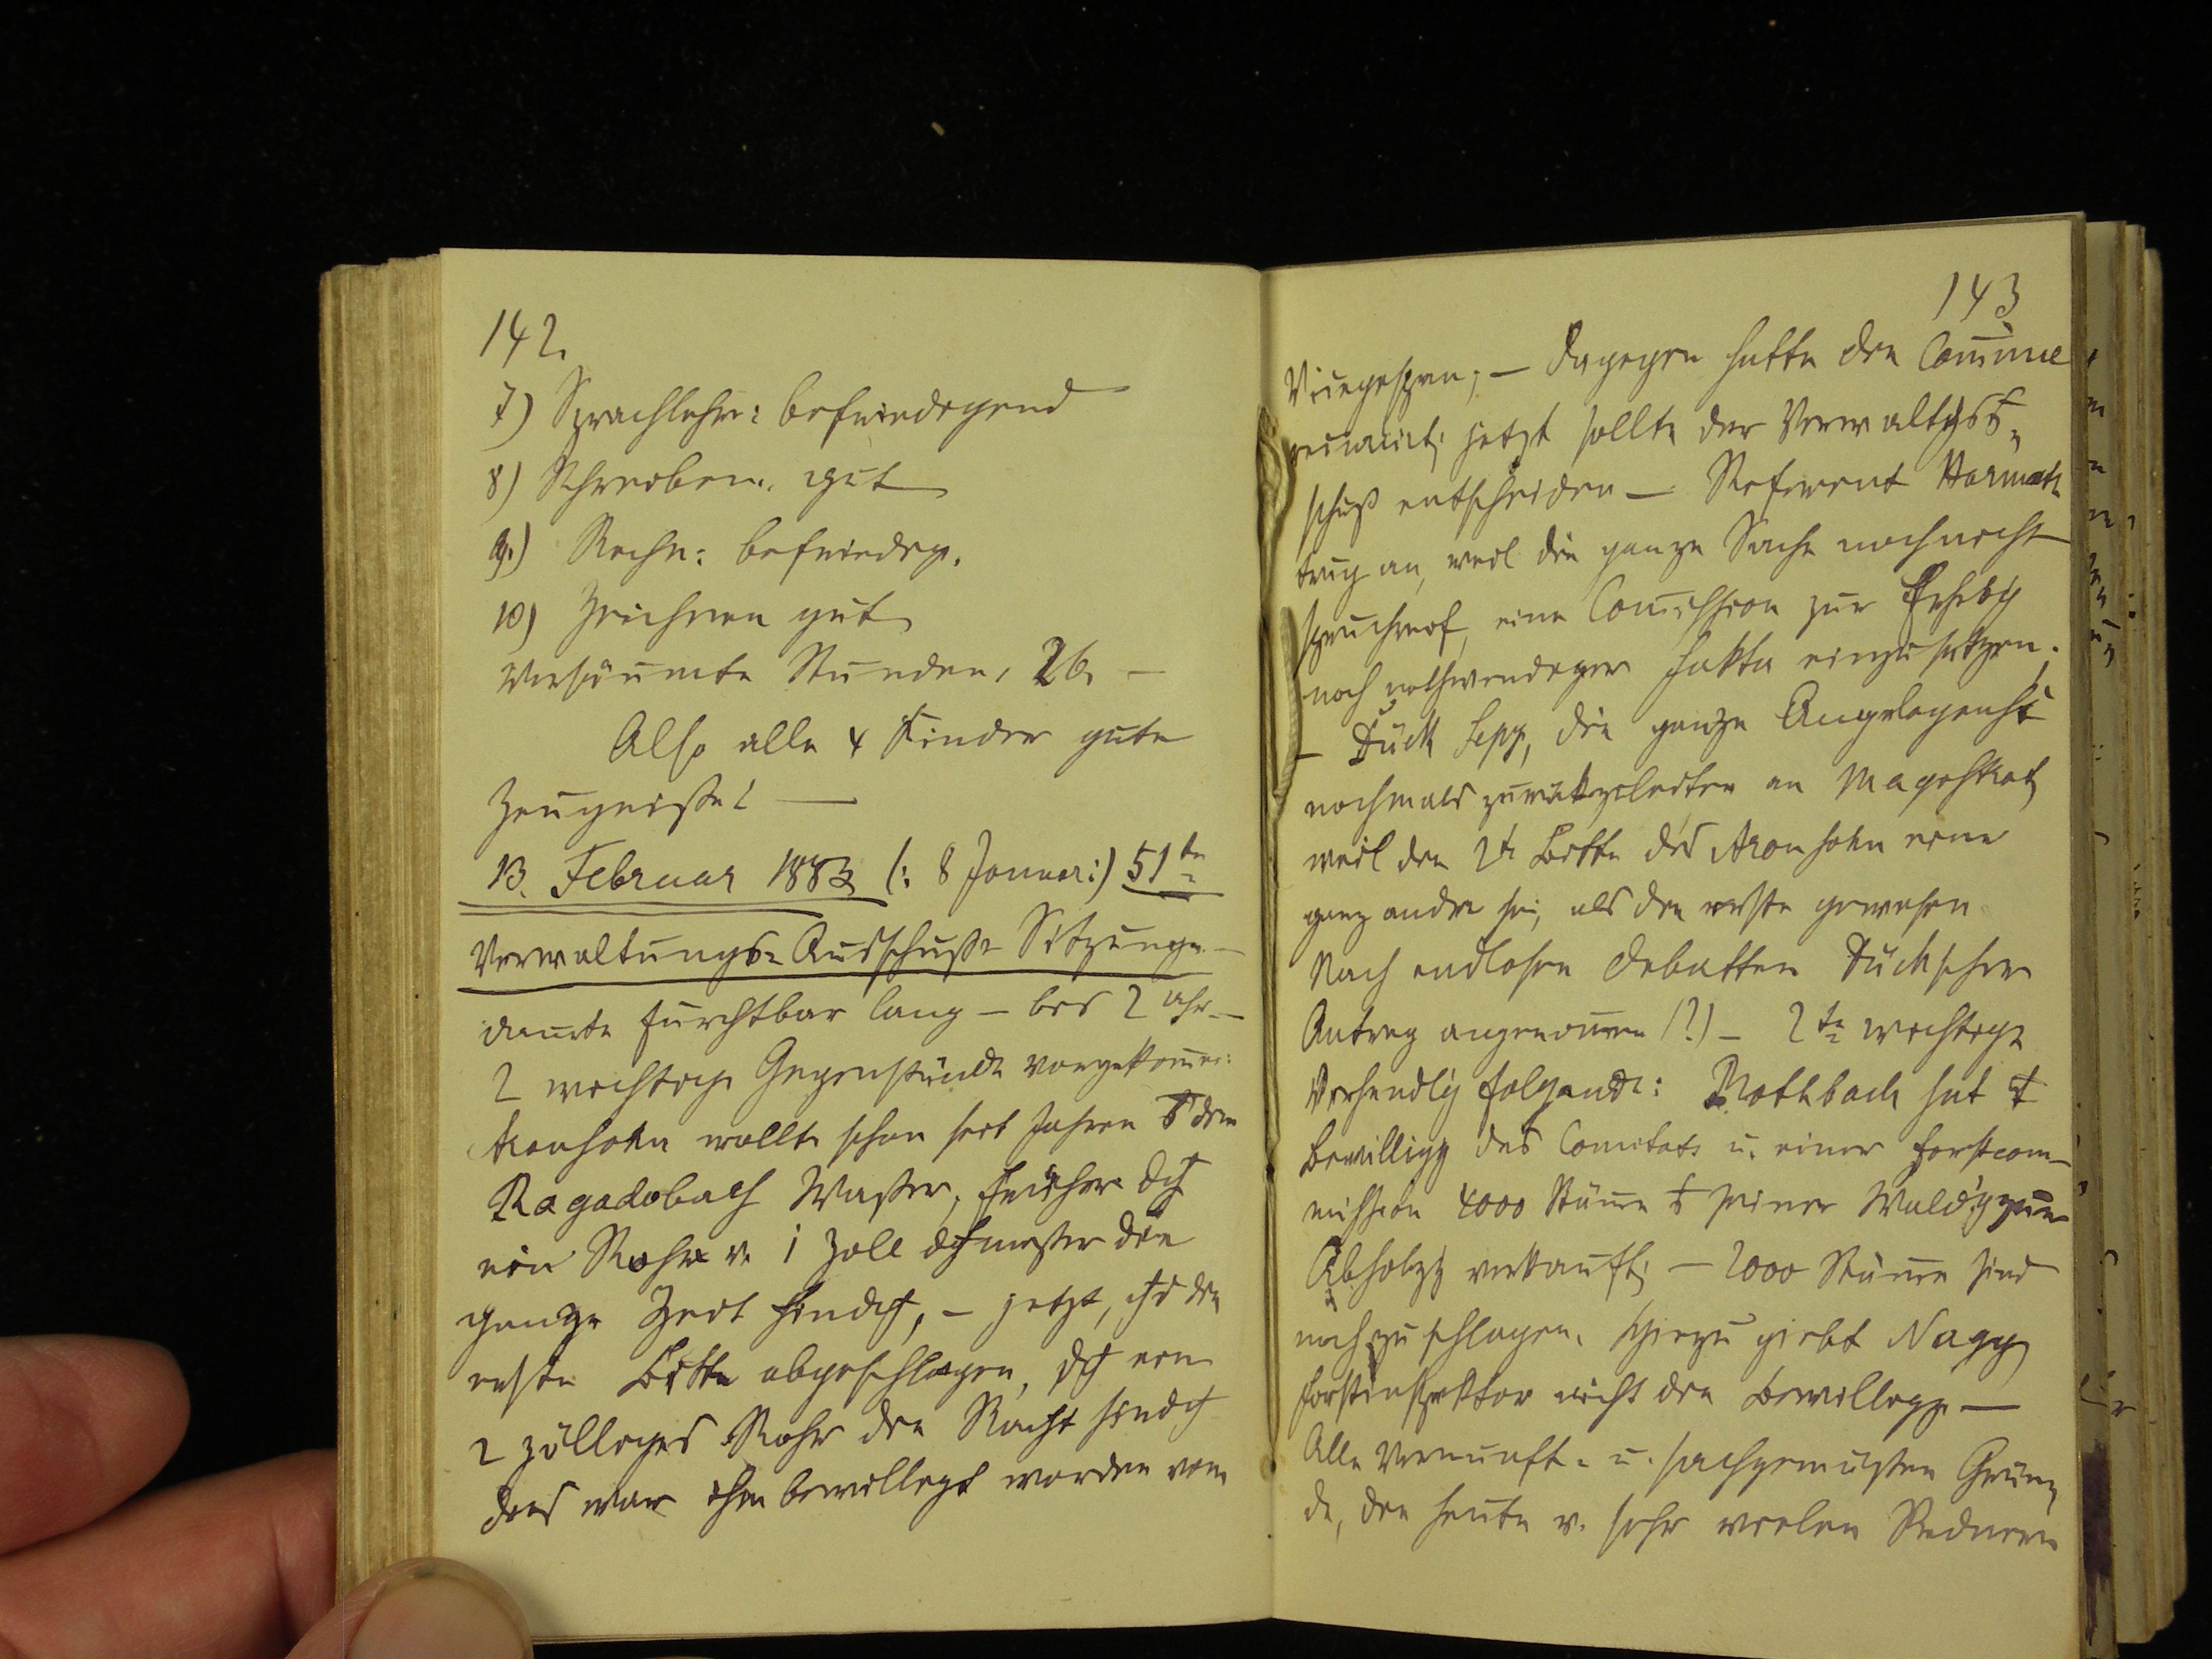142
7. Sprachlehre Befriedigend
8. Schreiben gut
9. Rechnen gut
10. Zeichnen gut
Versäumte Stunden: 26
Also alle 4 Kinder gute
Zeugnisse.
13. Februar 1883 (: 8 Januar :) 51.te
Verwaltungs-Ausschutz-Sitzung.—
dauerte furchtbar lang- bis 2 Uhr.—
2 wichtige Gegenstände vorgekommen:
Aransohn wollte schon seit Jahren aus den
Ragadobach Waßer, ß fließen durch
ein Rohr von 1 Zoll Durchmßer die
ganze Zeit hindurch, - jetzt ist die
erste Bitte abgeschlagen, damit ein
2 zölliges Rohr die Nacht hindurch
das war im bewilligt worden vom…
143
Vizegespann;-dagegen hatte die Commune
protestiert, -jetzt sollte der Verwaltungsaus¬
schuss entscheiden--?Stifert ?Narmak
trug an , weil die ganze Sache noch nicht
spruchreif , eine Commistron zur Erhebung
noch notwendigen Fakten einzusetzen.
Dück Sepp, die ganze Angelegenheit
nochmals zurückzuleiten an Magistrat,
weil die 2- ten Bitte des Aronsohn eine
ganz andere sei, als die erste gewesen.
Nach endlosen Debatten Dückscher
Antrag angenommen ( ? ) . 2-te wichtige
Verhandlung folgende: Rothbach hat mit
Bewilligung des Comitats und einer Forstcom¬
mision 4000 Stämme aus seim Waldung zum
Abholzz verkauft. 2000 Stämme sind
noch zu schlagen. Hinzu gibt Nagy,
Forstinspektion nicht die Bewilligung—
Alle Versuche und sachgemäßen Grün¬
de, die heute von sehr vielen Redner